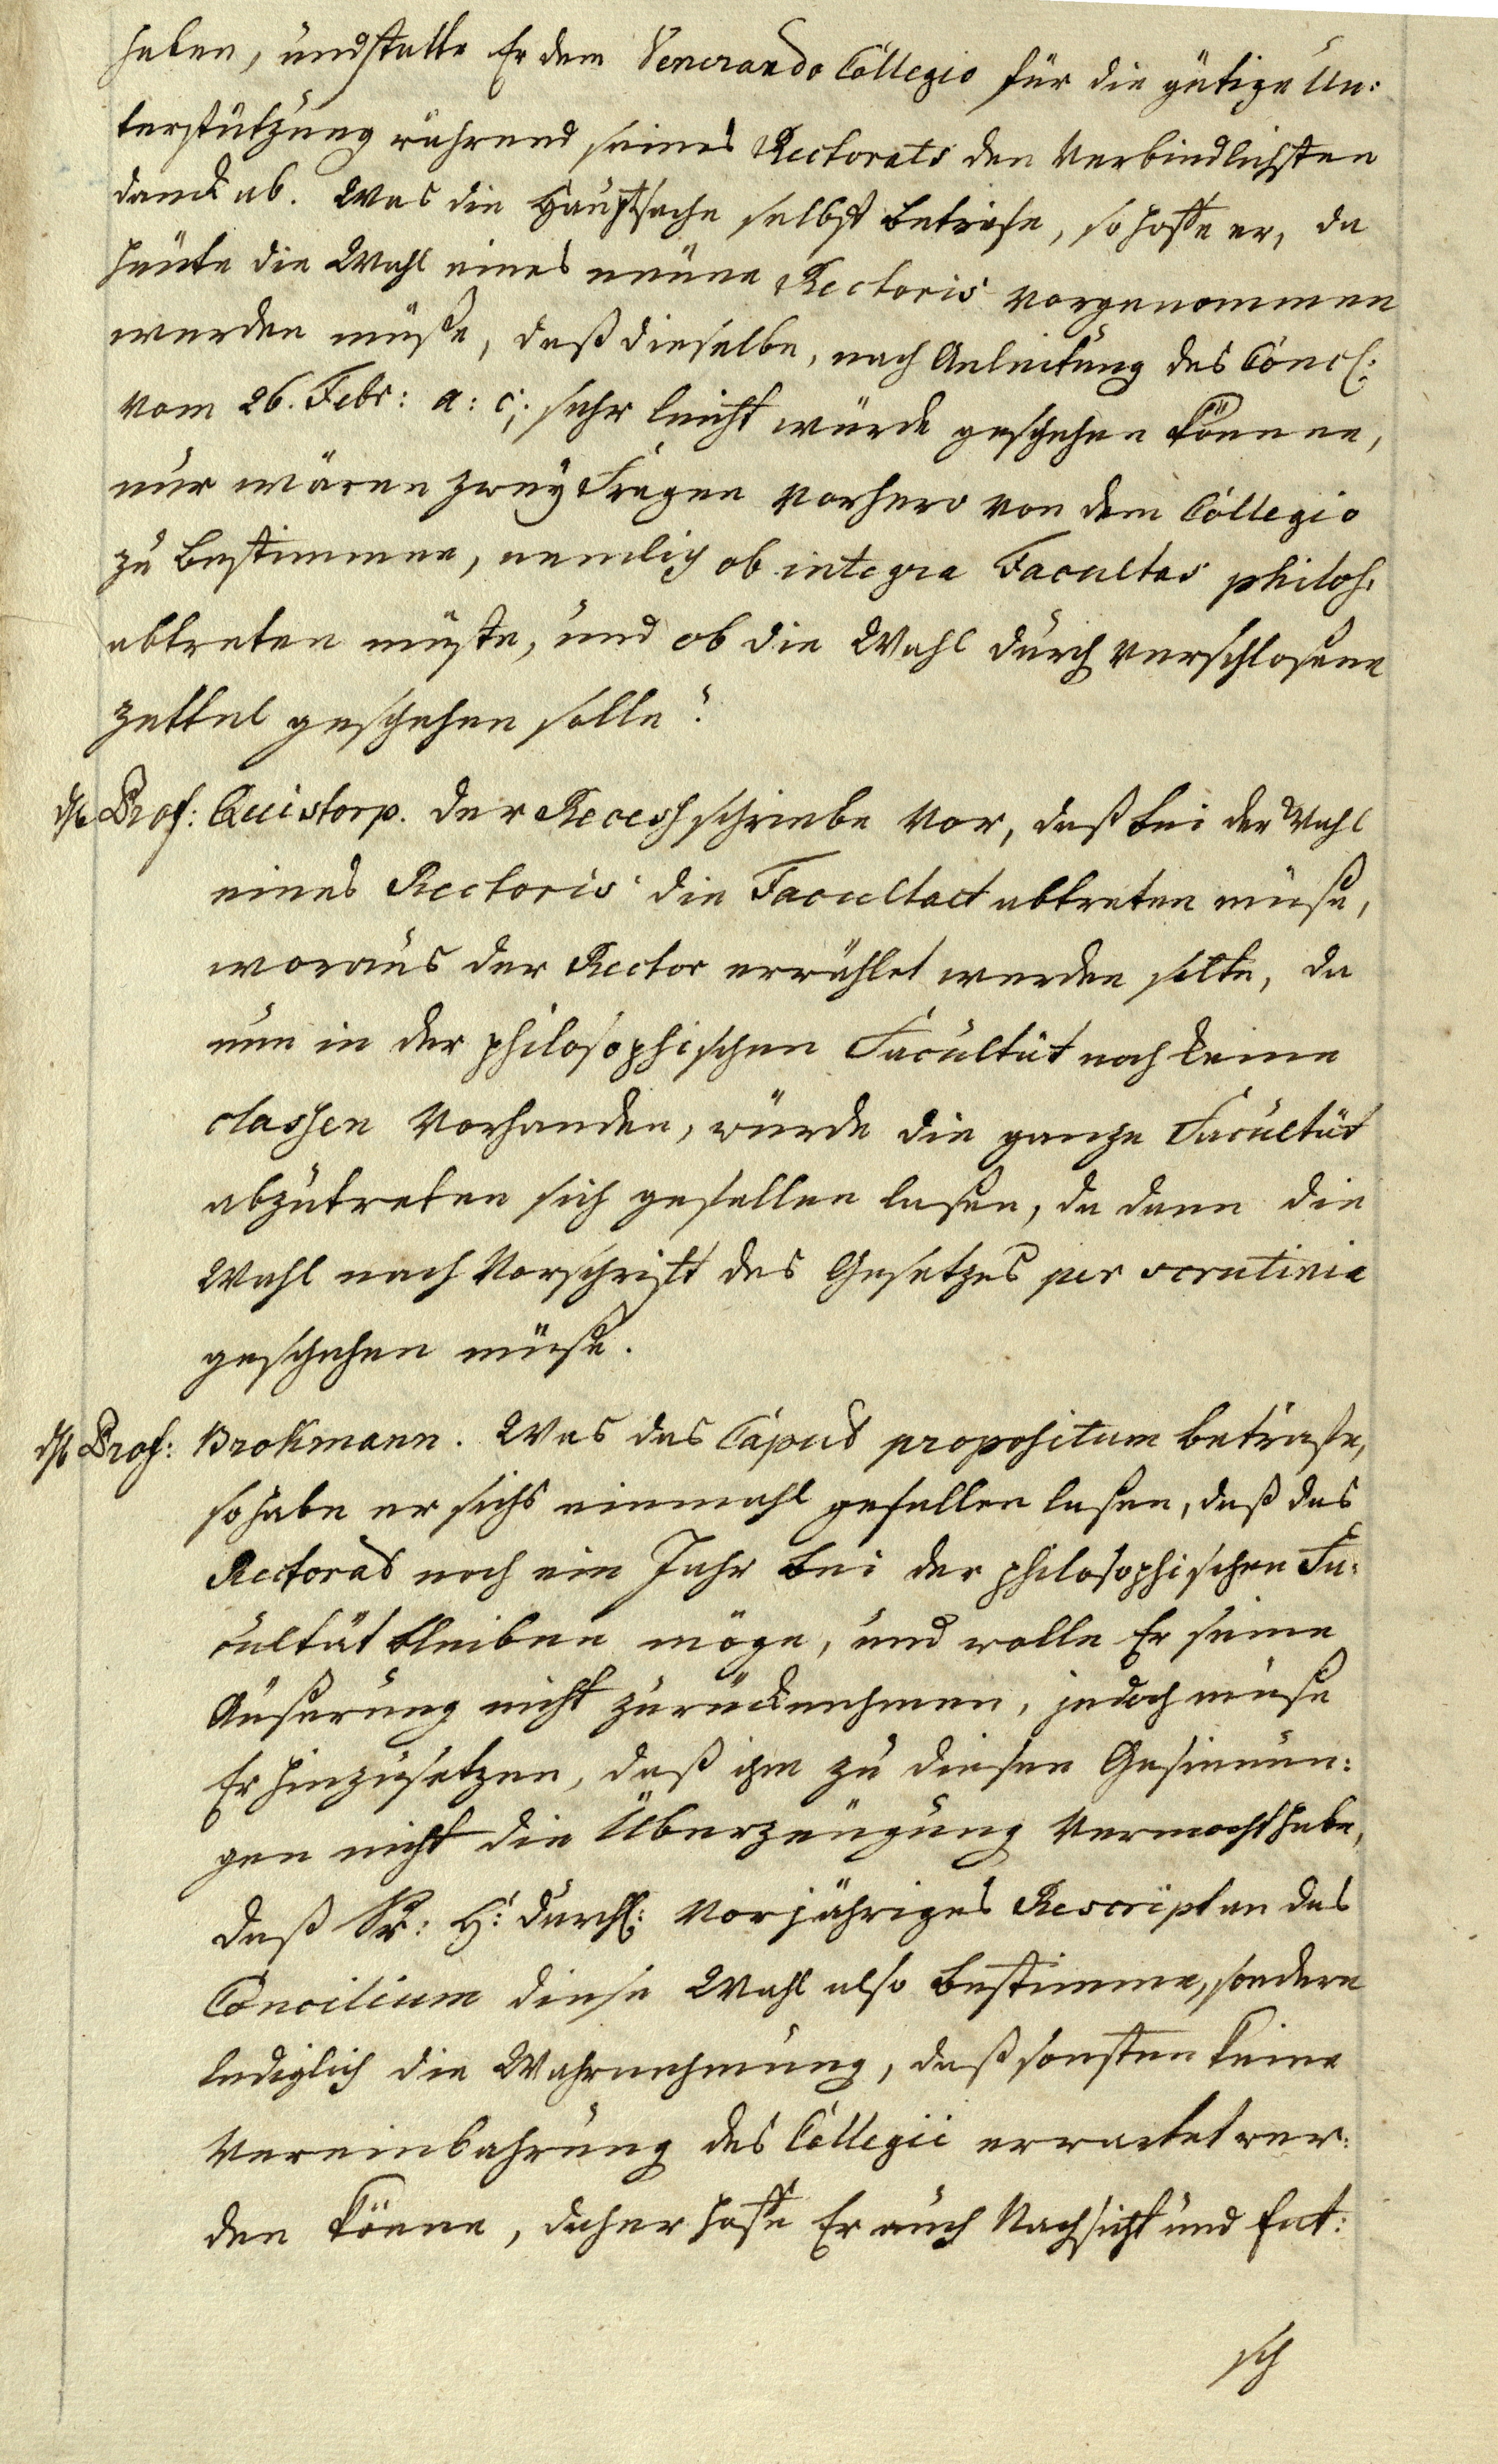haben, und statte Er dem Venerando Collegio für die gütige Un¬
terstützung während seines Rectorats den verbindlichsten
Danck ab. Was die Hauptsache selbst beträfe, so hoffe er, da
heute die Wahl eines neuen Rectoris vorgenommen
werden müße, daß dieselbe, nach Anleitung des Concl.
vom 26. Febr. a. c. , sehr leicht würde geschehen können,
nur wären zweÿ Fragen vorhero von dem Collegio
zu bestimmen, nemlich ob integre Facultas philos.
abtreten müste, und ob die Wahl durch verschloßene
Zettel geschehen solle?
dh Prof. Quistorp. der Recess schriebe vor, daß bei der Wahl
eines Rectoris die Facultaet abtreten müße,
woraus der Rector erwählet werden solte, da
nun in der philosophischen Facultät noch keine
classen vorhanden, würde die ganze Facultät
abzutreten sich gefallen laßen, da dann die
Wahl nach Vorschrift des Gesetzes per scrutinia
geschehen müße.
dh. Prof. Brockmann. Was das Caput propositum beträfe,
so habe er sichs einmahl gefallen laßen, daß das
Rectorat noch ein Jahr bei der philosophischen Fa¬
cultät bleiben möge, und wolle Er seine
Äußerung nicht zurücknehmen, jedoch müße
Er hinzusetzen, daß ihm zu diesen Gesinnun¬
gen nicht die Überzeugung vermocht habe,
daß Sr H. Durchl. vorjähriges Rescript an das
Concilium diese Wahl also bestimme, sondern
lediglich die Wahrnehmung, daß sonsten keine
Vereinbahrung des Collegii erwartet wer¬
den könne, daher hoffe Er auch Nachsicht und Ent¬
sch